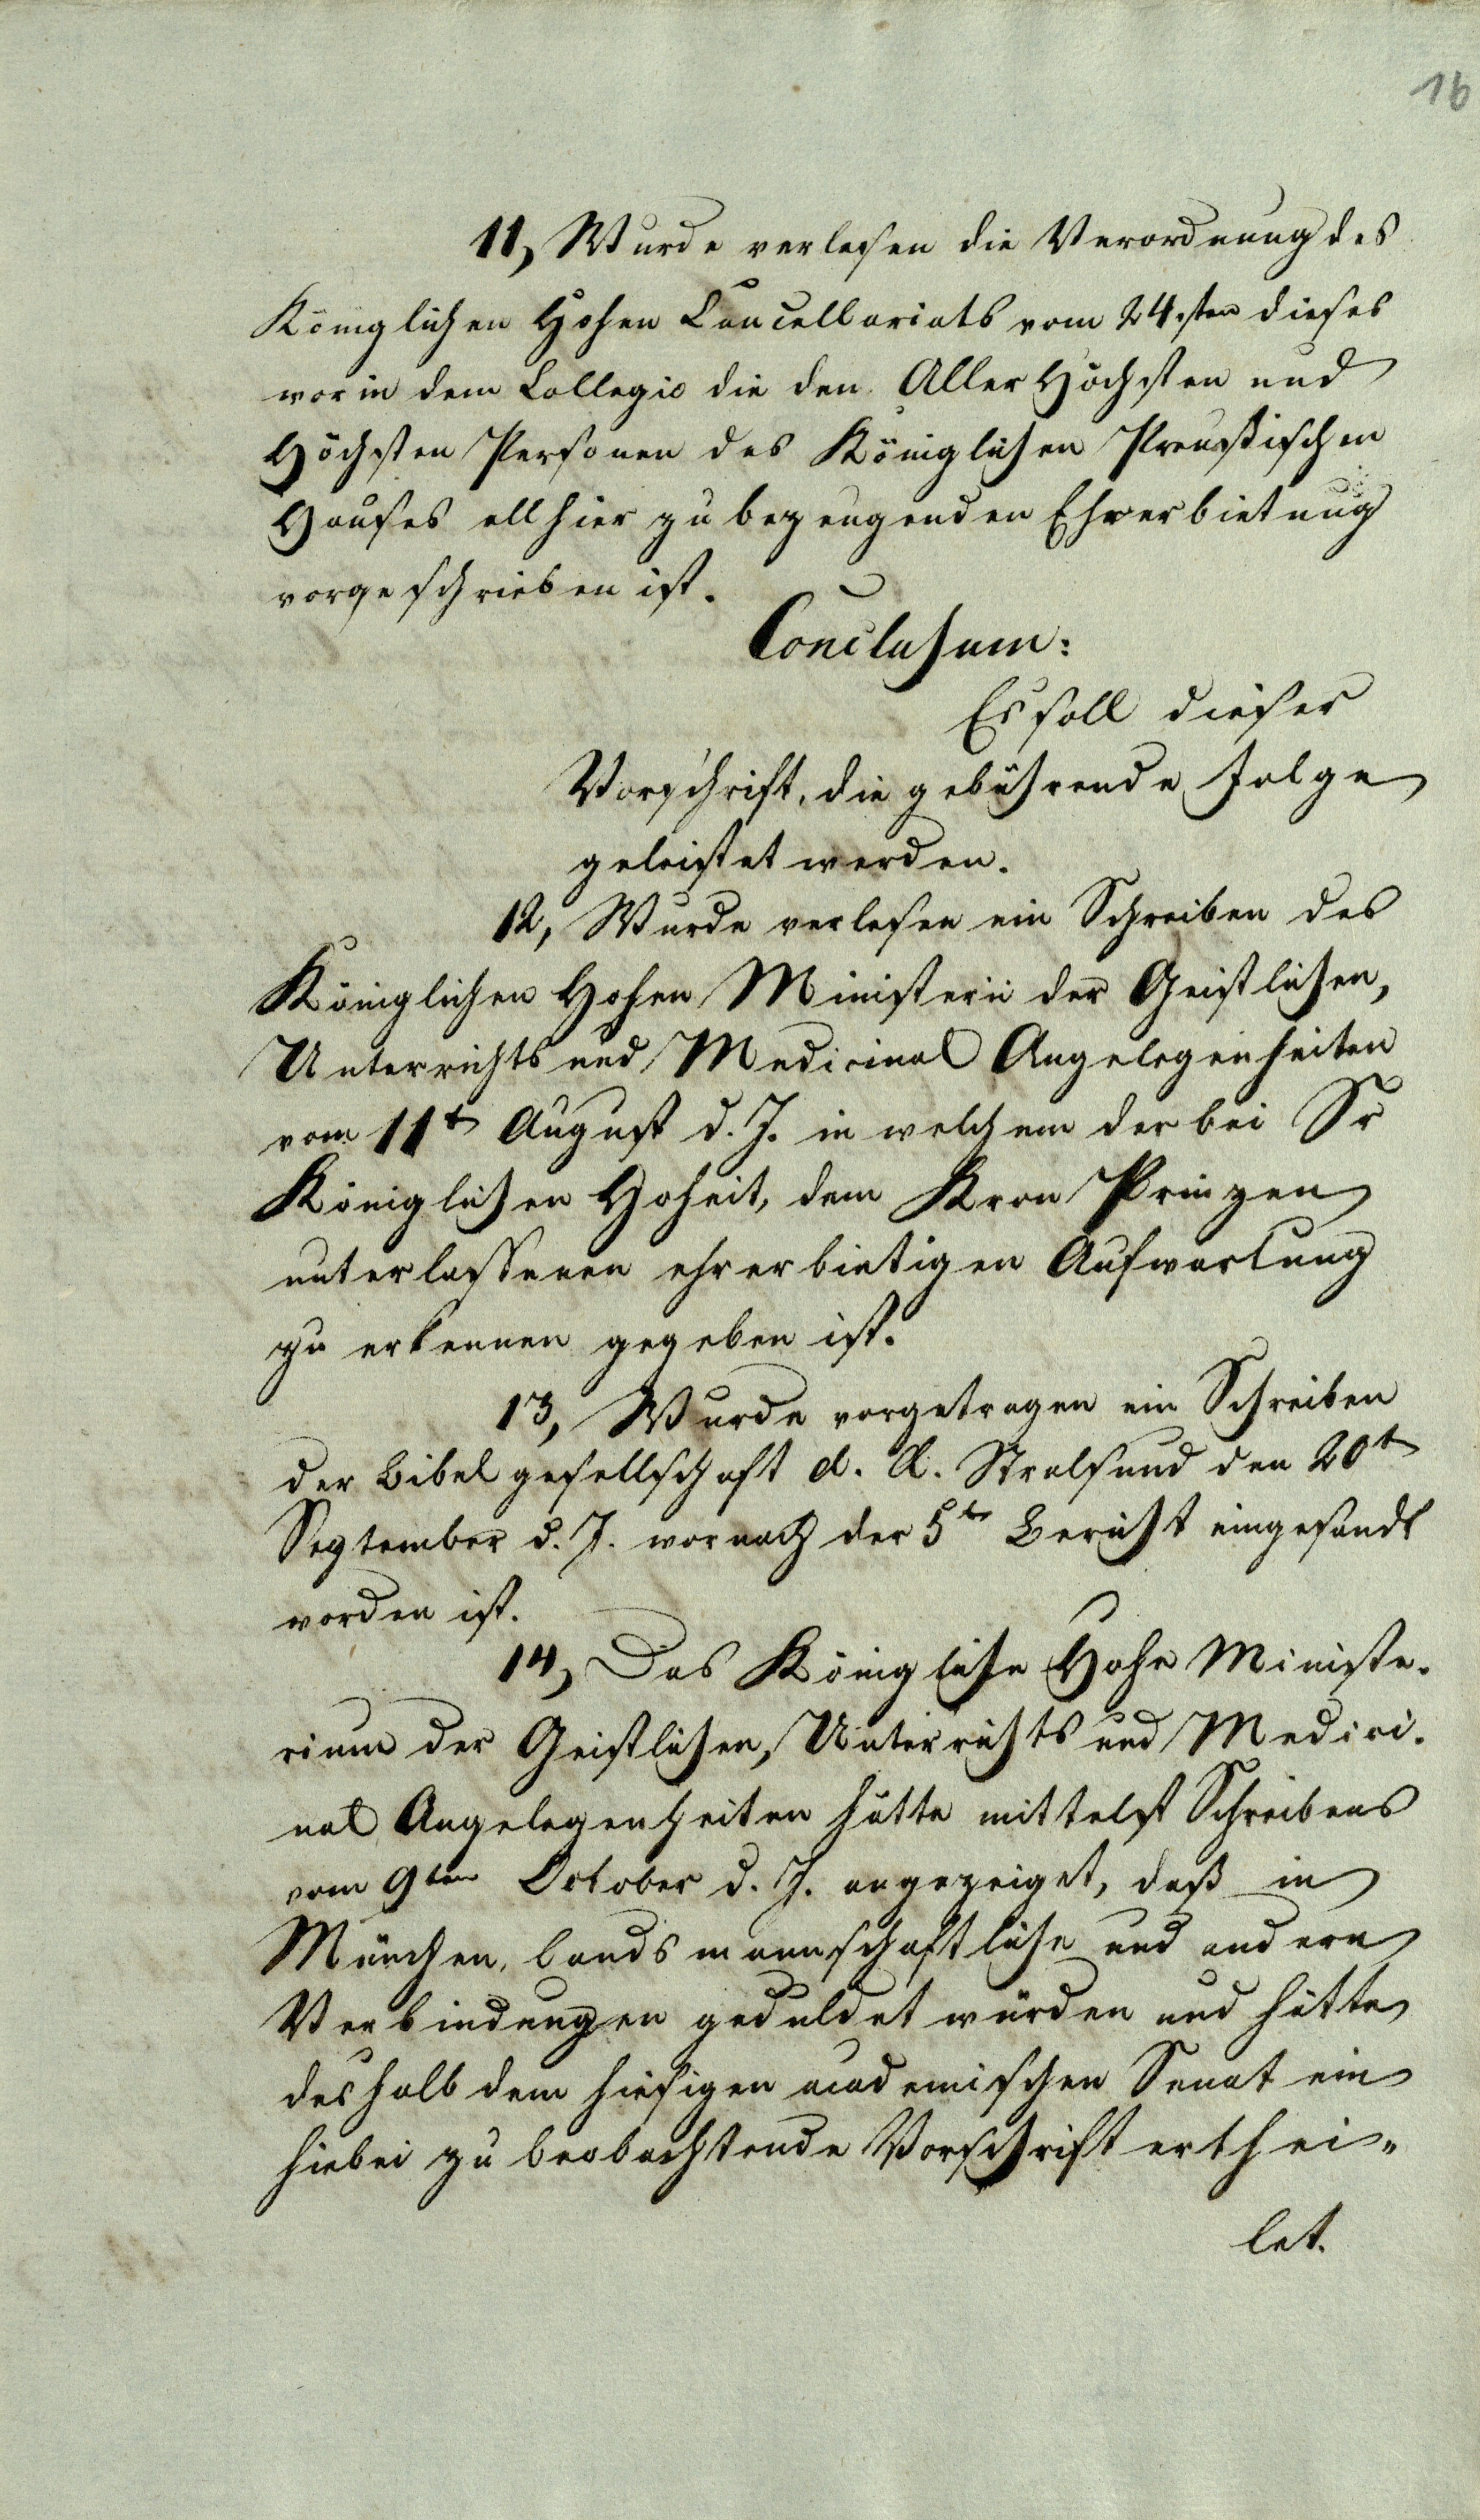11, Wurde verlesen die Verordnung des
Königlichen Hohen Cancellariats vom 24ten dieses
worin dem Collegio die den AllerHöchsten und
Höchsten Personen des Königlichen Preußischen
Hauses allhier zu bezeugenden Ehrerbietung
vorgeschrieben ist.
Conclusum:
Es soll dieser
Vorschrift, die gebührende Folge
geleistet werden.
12, Wurde verlesen ein Schreiben des
Königlichen Hohen Ministerii der Geistlichen,
Unterrichts und Medicinal Angelegenheiten
vom 11ten August d. J. in welchem der bei Sr
Königlichen Hoheit, dem Kron Prinzen
unterlassenen ehrerbietigen Aufwartung
zu erkennen gegeben ist.
13, Wurde vorgetragen ein Schreiben
der Bibelgesellschaft d. d. Stralsund den 20ten
September d. J. wornach der 5te Bericht eingesandt
worden ist.
14, das Königliche Hohe Ministe¬
rium der Geistlichen, Unterrichts und Medici¬
nal Angelegenheiten hätte mittelst Schreibens
vom 9ten October d. J. angezeiget, daß in
München landsmannschaftliche und andere
Verbindungen geduldet würden und hätte
deshalb dem hiesigen academischen Senat ein
hiebei zu beobachtende Vorschrift erthei¬
let.